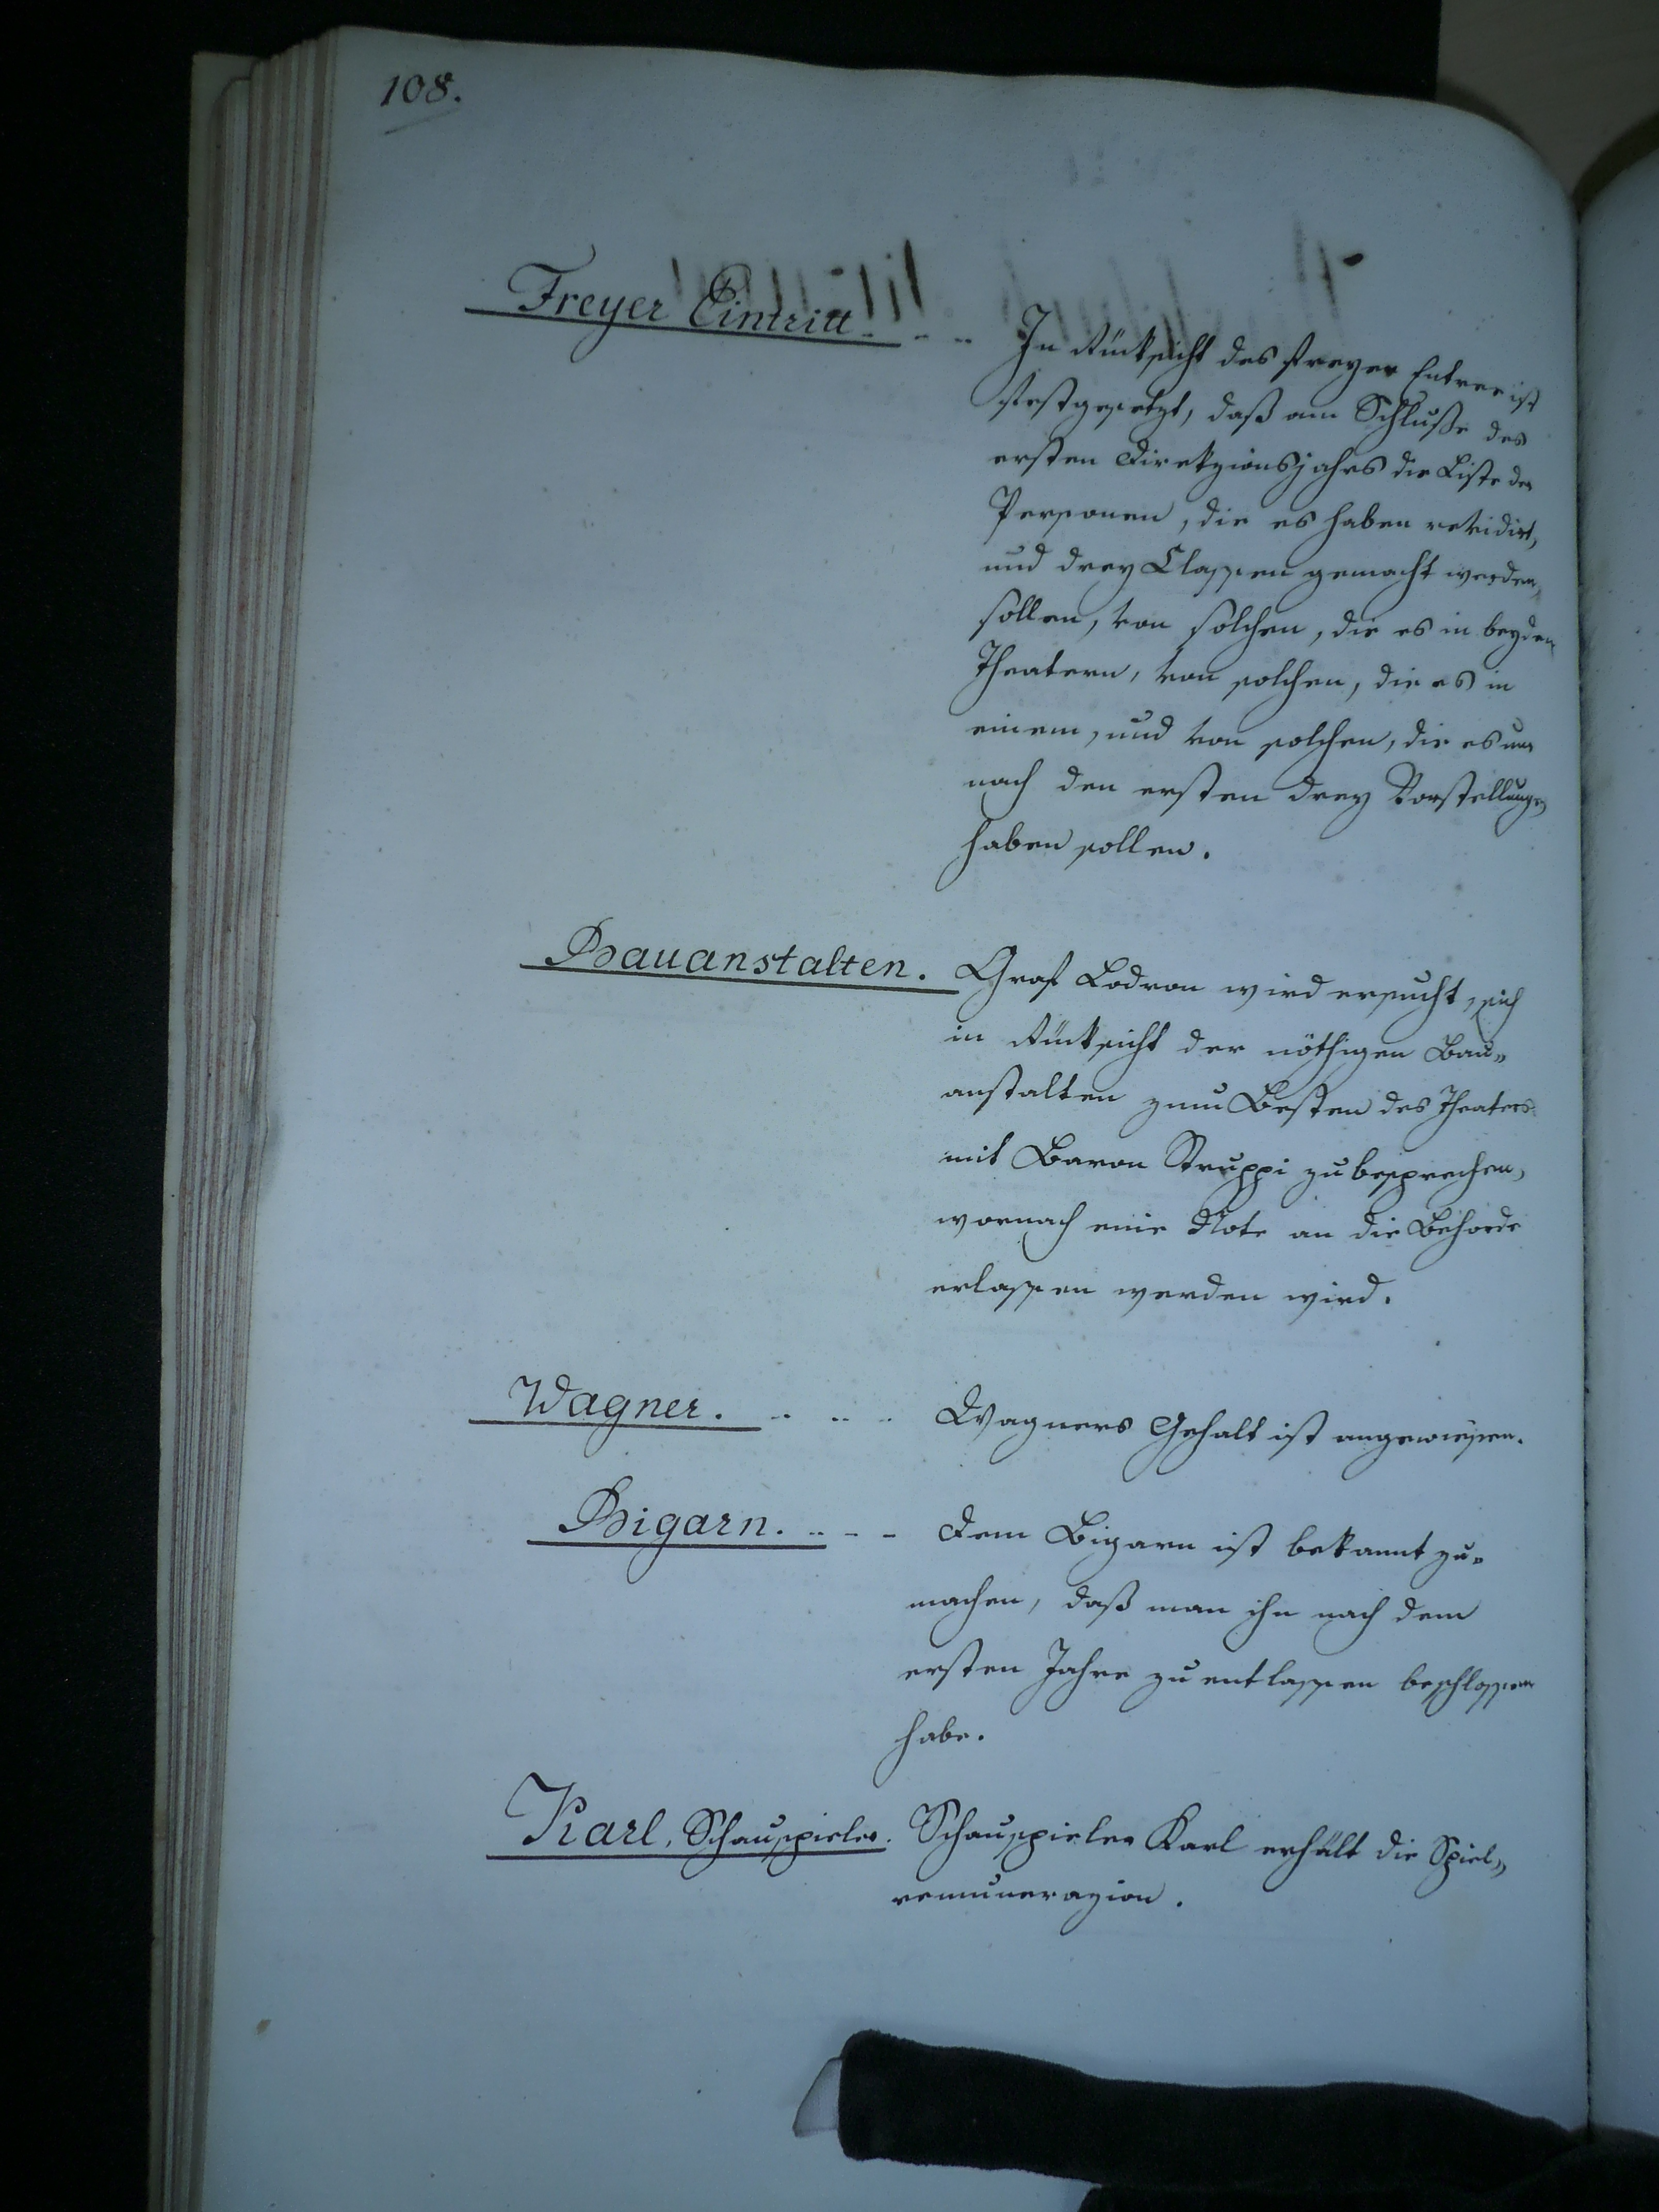108.
Freyer Eintritt .. .. .. In Rücksicht des freyen Entree ist
festgesetzt, daß am Schluße des
ersten Direkzionsjahrs die Liste der
Personen, die es haben revidirt,
und drey Classen gemacht werden
sollen, von solchen, die es in beyden
Theatern, von solchen, die es in
einem, und von solchen, die es nur
nach den ersten drey Vorstellungen
haben sollen.
Bauanstalten. Graf Lodron wird ersucht, sich
in Rücksicht der nöthigen Bau¬
anstalten zum Besten des Theaters
mit Baron Struppi zu besprechen,
wornach eine Note an die Behorde
erlassen werden wird
Wagner. .. .. .. Wagners Gehalt ist angewiesen.
Bigarn. .. .. .. Dem Bigarn ist bekannt zu¬
machen, daß man ihn nach dem
ersten Jahre zu entlassen beschlossen
habe.
Karl, Schauspieler. Schauspieler Karl erhält die Spiel¬
remunerazion.